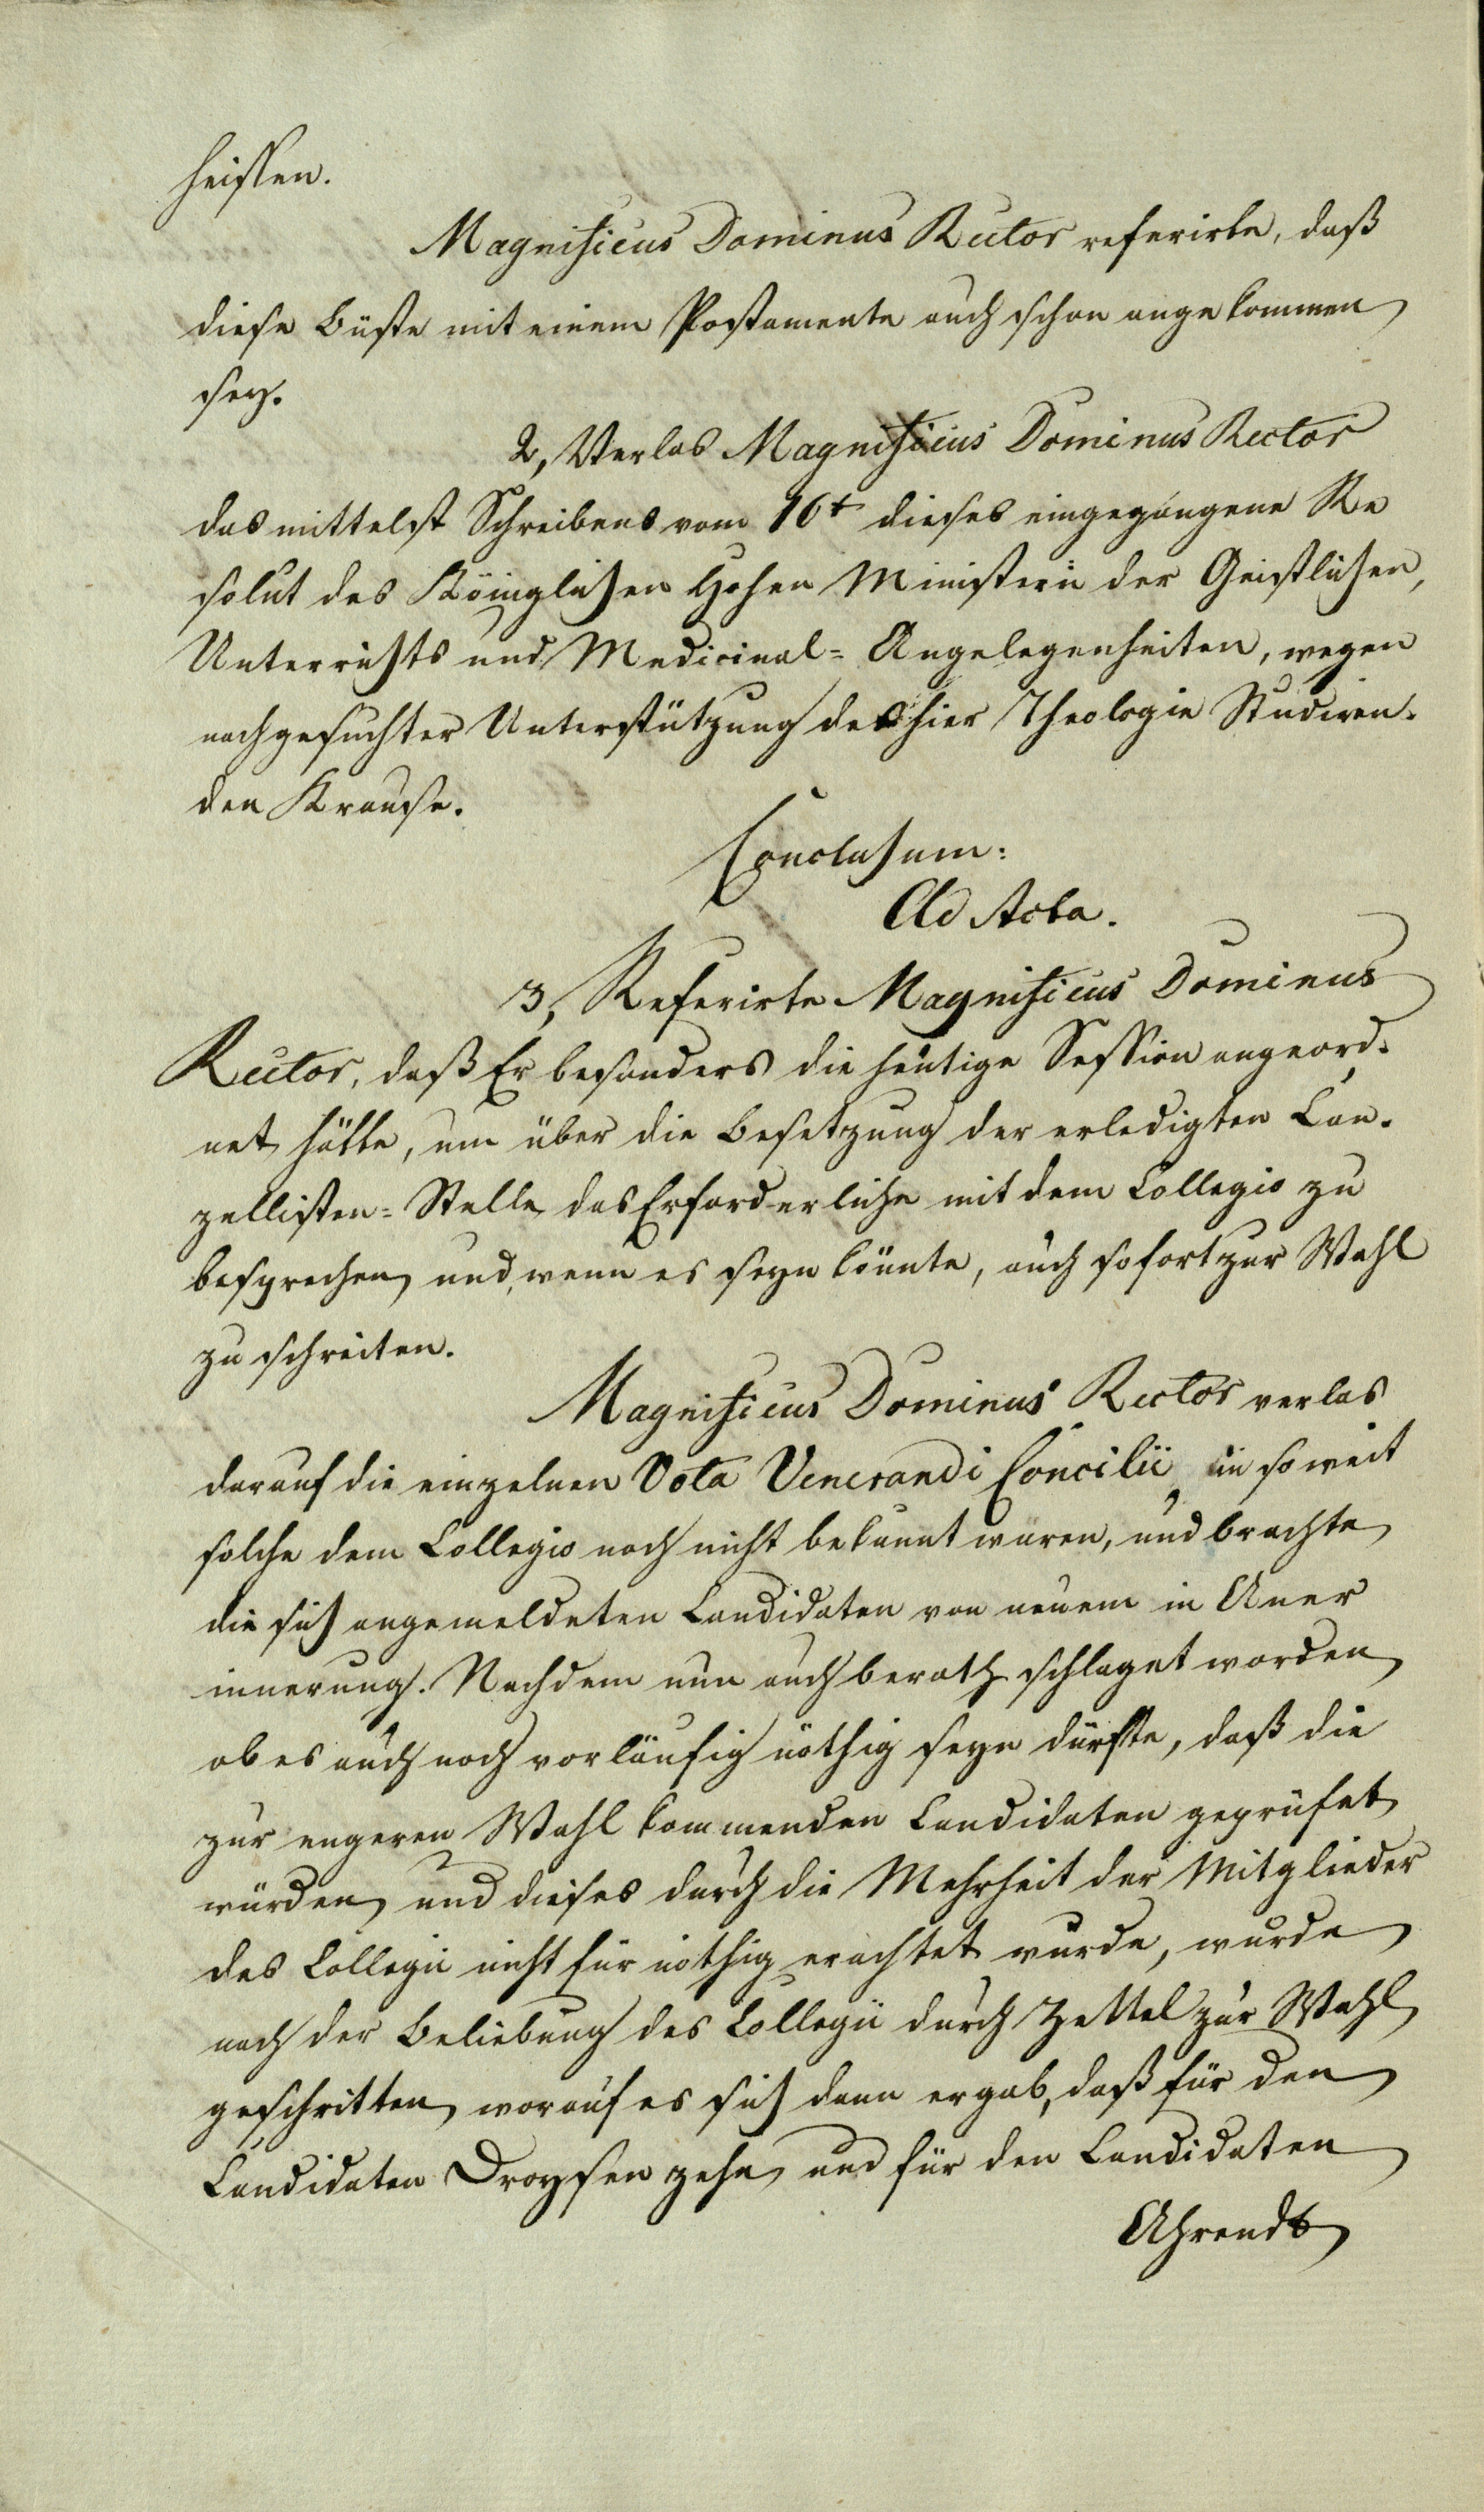heissen.
Magnificus Dominus Rector referirte, daß
diese Büste mit einem Postamente auch schon angekommen
sey.
2, Verlas Magnificus Dominus Rector
das mittelst Schreibens vom 16ten dieses eingegangene Re¬
solut des Königlichen Hohen Ministerii der Geistlichen,
Unterrichts und Medicinal-Angelegenheiten, wegen
nachgesuchter Unterstützung des hier Theologie Studiren¬
den Krause.
Conclusum:
Ad Acta.
3, Referirte Magnificus Dominus
Rector, daß Er besonders die heutige Session angeord¬
net hätte, um über die Besetzung der erledigten Can¬
zellisten-Stelle das Erforderliche mit dem Collegio zu
besprechen und wenn es seyn könnte, auch sofort zur Wahl
zu schreiten.
Magnificus Dominus Rector verlas
darauf die einzelnen Vota venerandi Concilii insoweit
solche dem Collegio noch nicht bekannt waren, und brachte
die sich angemeldeten Candidaten von neuem in Aner¬
innerung . Nachdem nun auch berathschlaget worden
ob es auch noch vorläufig nöthig seyn dürfte, daß die
zur engeren Wahl kommenden Candidaten geprüfet
würden, und dieses durch die Mehrheit der Mitglieder
des Collegii nicht für nöthig erachtet würde, wurde
nach der Beliebung des Collegii durch Zettel zur Wahl
geschritten worauf es sich dann ergab, daß für den
Candidaten Droysen zehn und für den Candidaten
Ahrendt